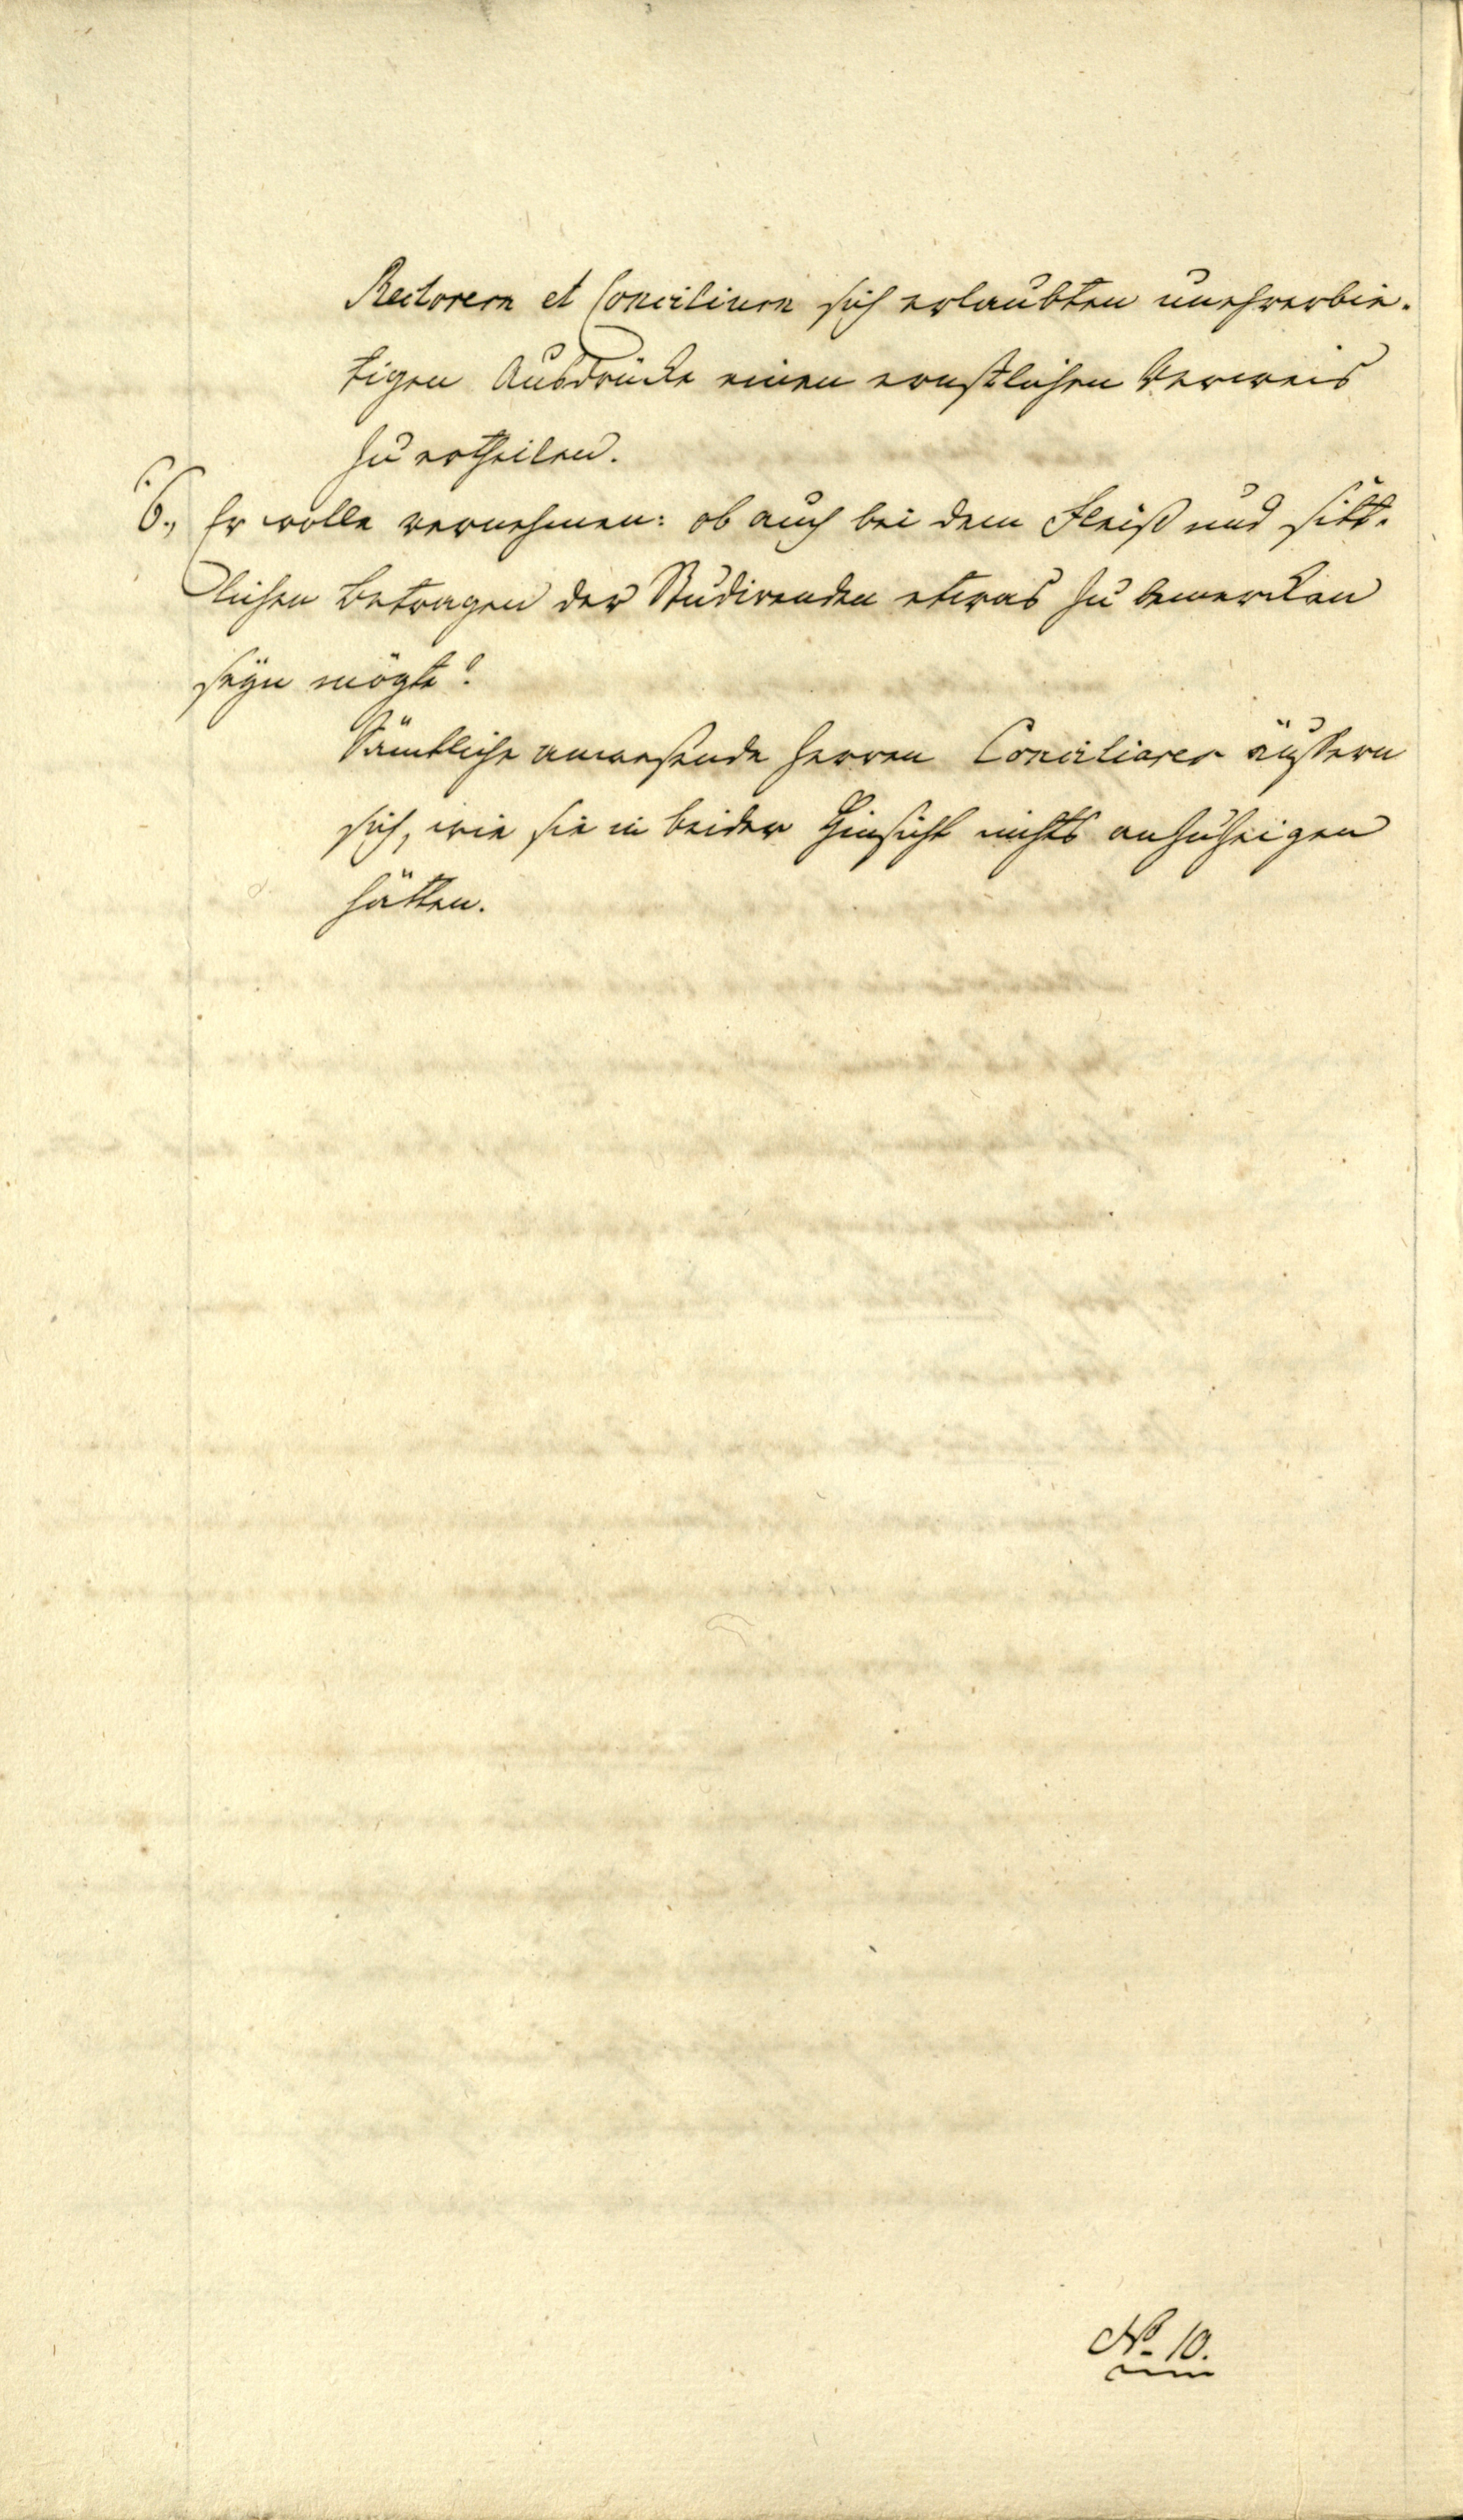Rectorem et Concilium sich erlaubten unehrerbie
tigen Ausdrücke einen ernstlichen Verweis
zu ertheilen.
6., Er wolle vernehmen: ob auch bei dem Fleiß und sitt¬
lichen Betragen der Studirenden etwas zu bemercken
seÿn mögte?
Sämtliche anwesende Herren Conciliares äussern
sich, wie sie in beider Hinsicht nichts anzuzeigen
hätten.